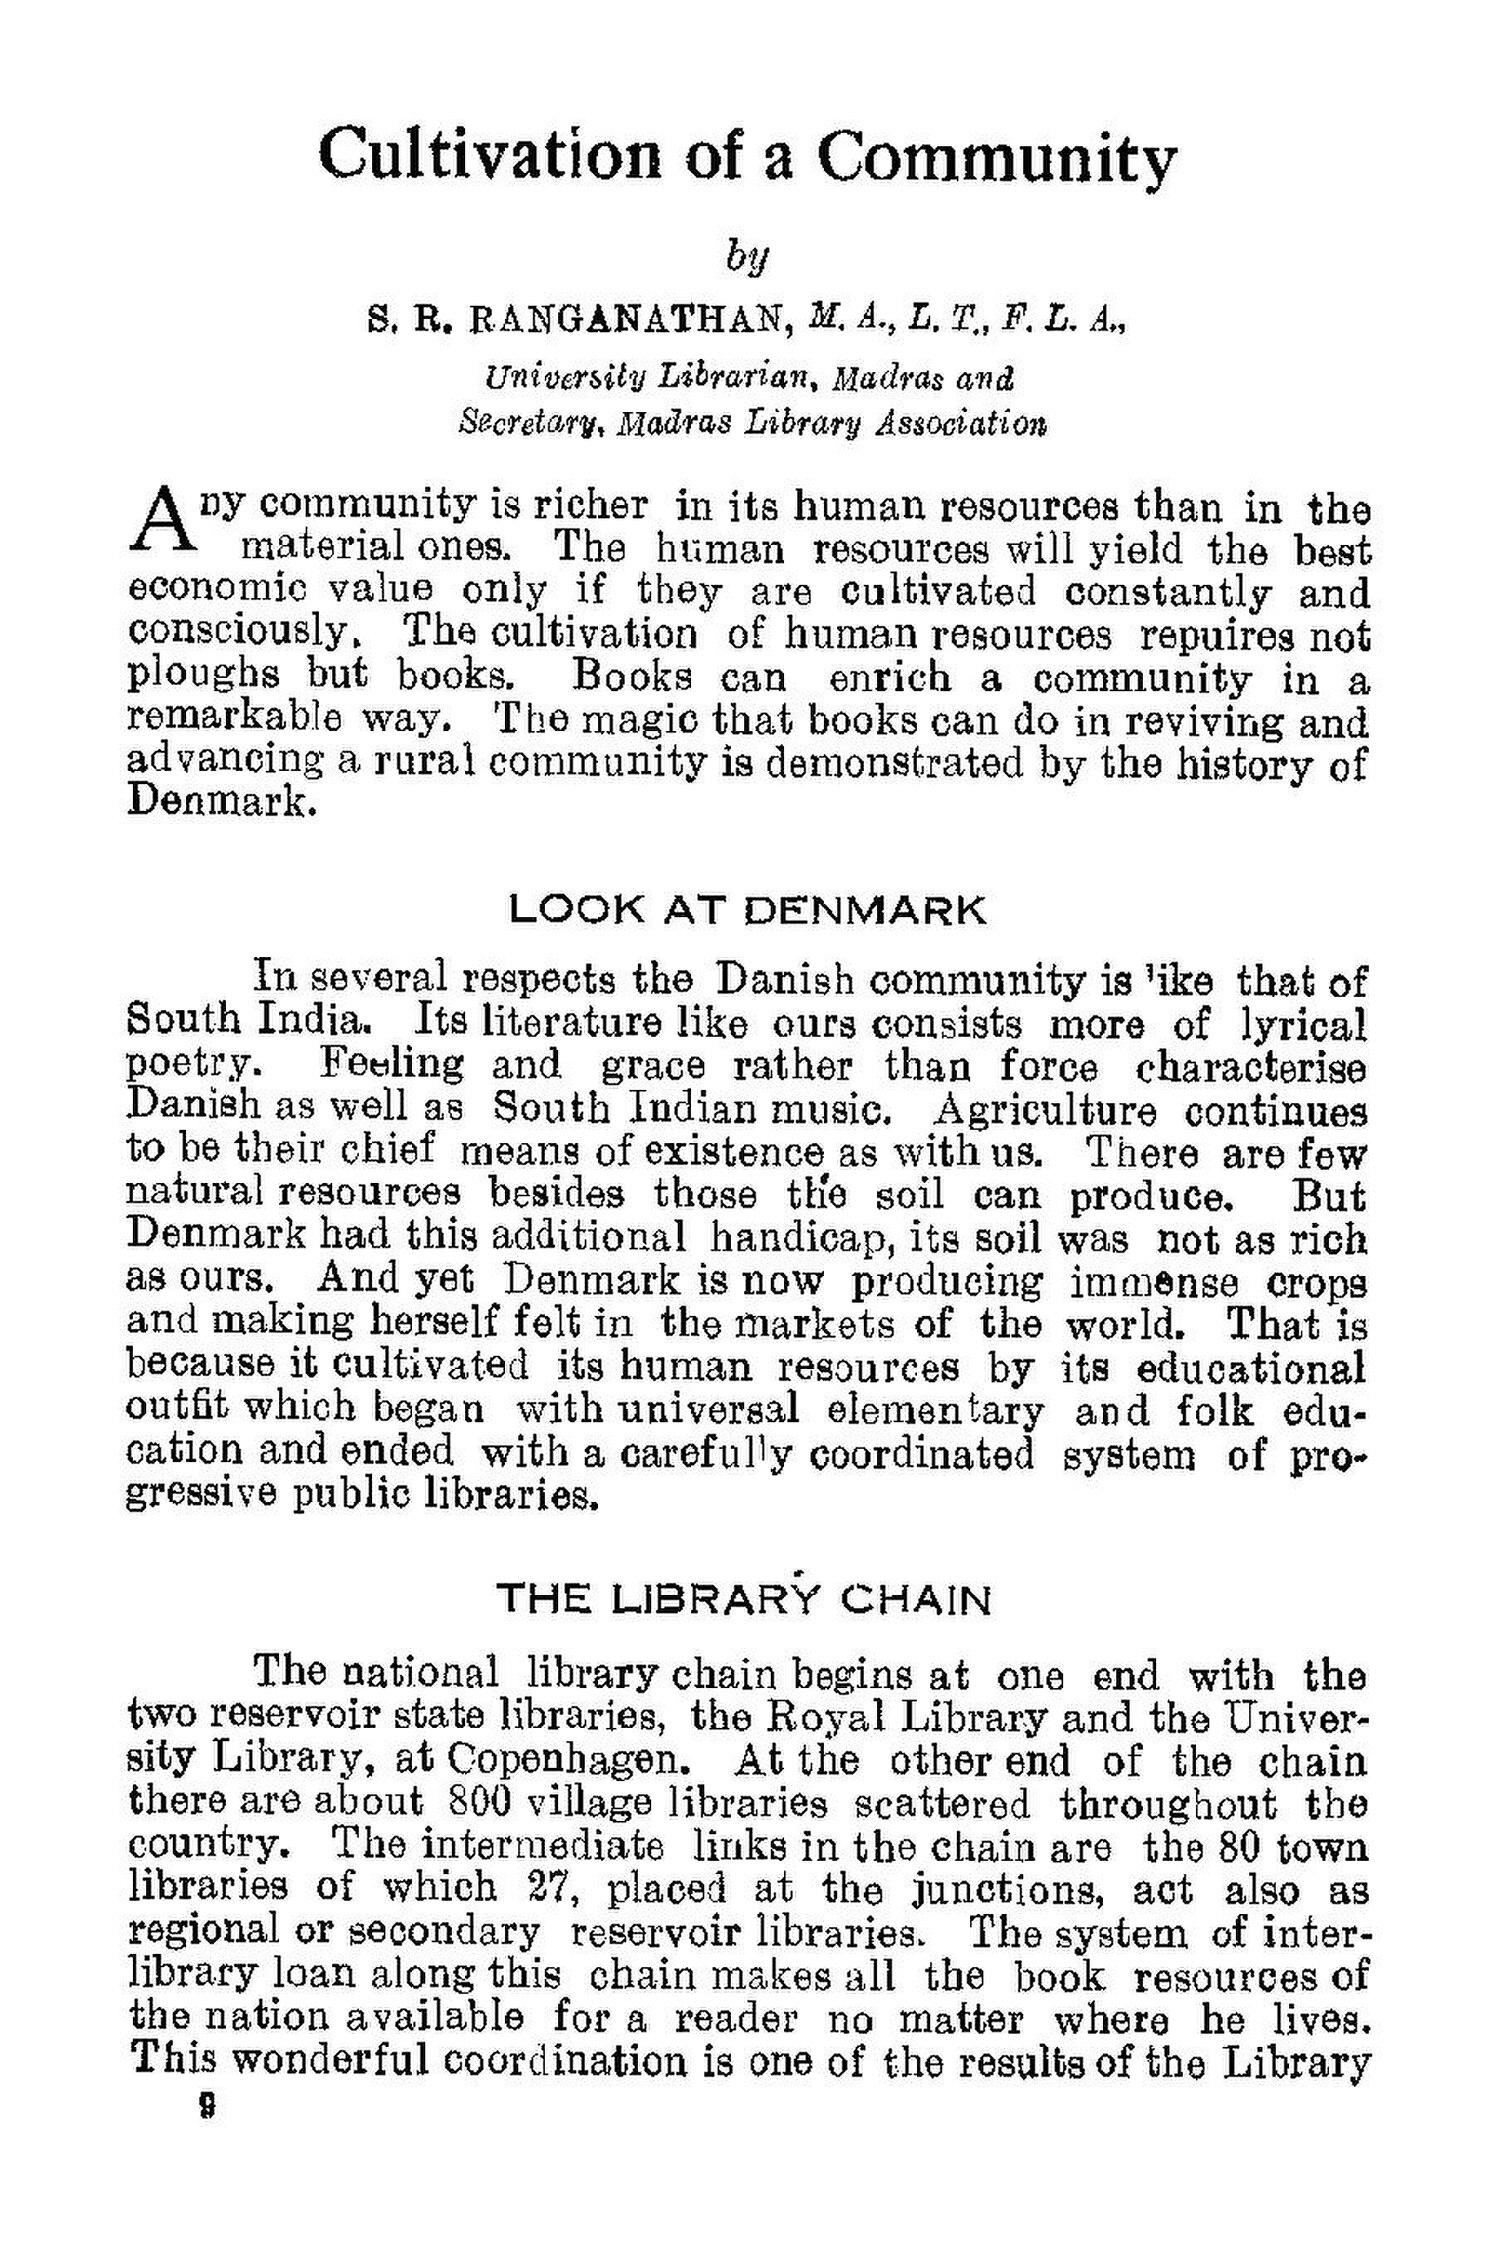Any community is richer in its human resources than in the material ones. The human resources will 
yield the best economic value only if they are cultivated constantly and consciously. The cultivation 
of human resources requires not ploughs but books. Books can enrich a community in a remarkable way. 
The magic that books can do in reviving and advancing a rural community is demonstrated by the history of
Denmark.

In several respects the Danish community is like that of South India. Its literature like ours consists 
more of lyrical poetry. Feeling and grace rather than force characterize Danish as well as South Indian 
music. Agriculture continues to be their chief means of existence as with us. There are few natural 
resources besides those the soil can produce. But Denmark had this additional handicap, its soil was not 
as rich as ours. And yet Denmark is now producing immense crops and making herself felt in the markets 
of the world. That is because it cultivated its human resources by its educational outfit which began with universal elementary and folk education and ended with a carefully coordinated system of progressive public libraries.

The national library chain begins at one end with the two reservoir state libraries, the Royal Library 
and the University Library, at Copenhagen. At the other end of the chain there are about 800 village 
libraries scattered throughout the country. The intermediate links in the chain are the 80 town
libraries of which 27, placed at the junctions, act also as regional or secondary reservoir libraries. 
The system of inter-library loan along this chain makes all the book resources of the nation available 
for a reader no matter where he lives. This wonderful coordination is one of the results of the Library